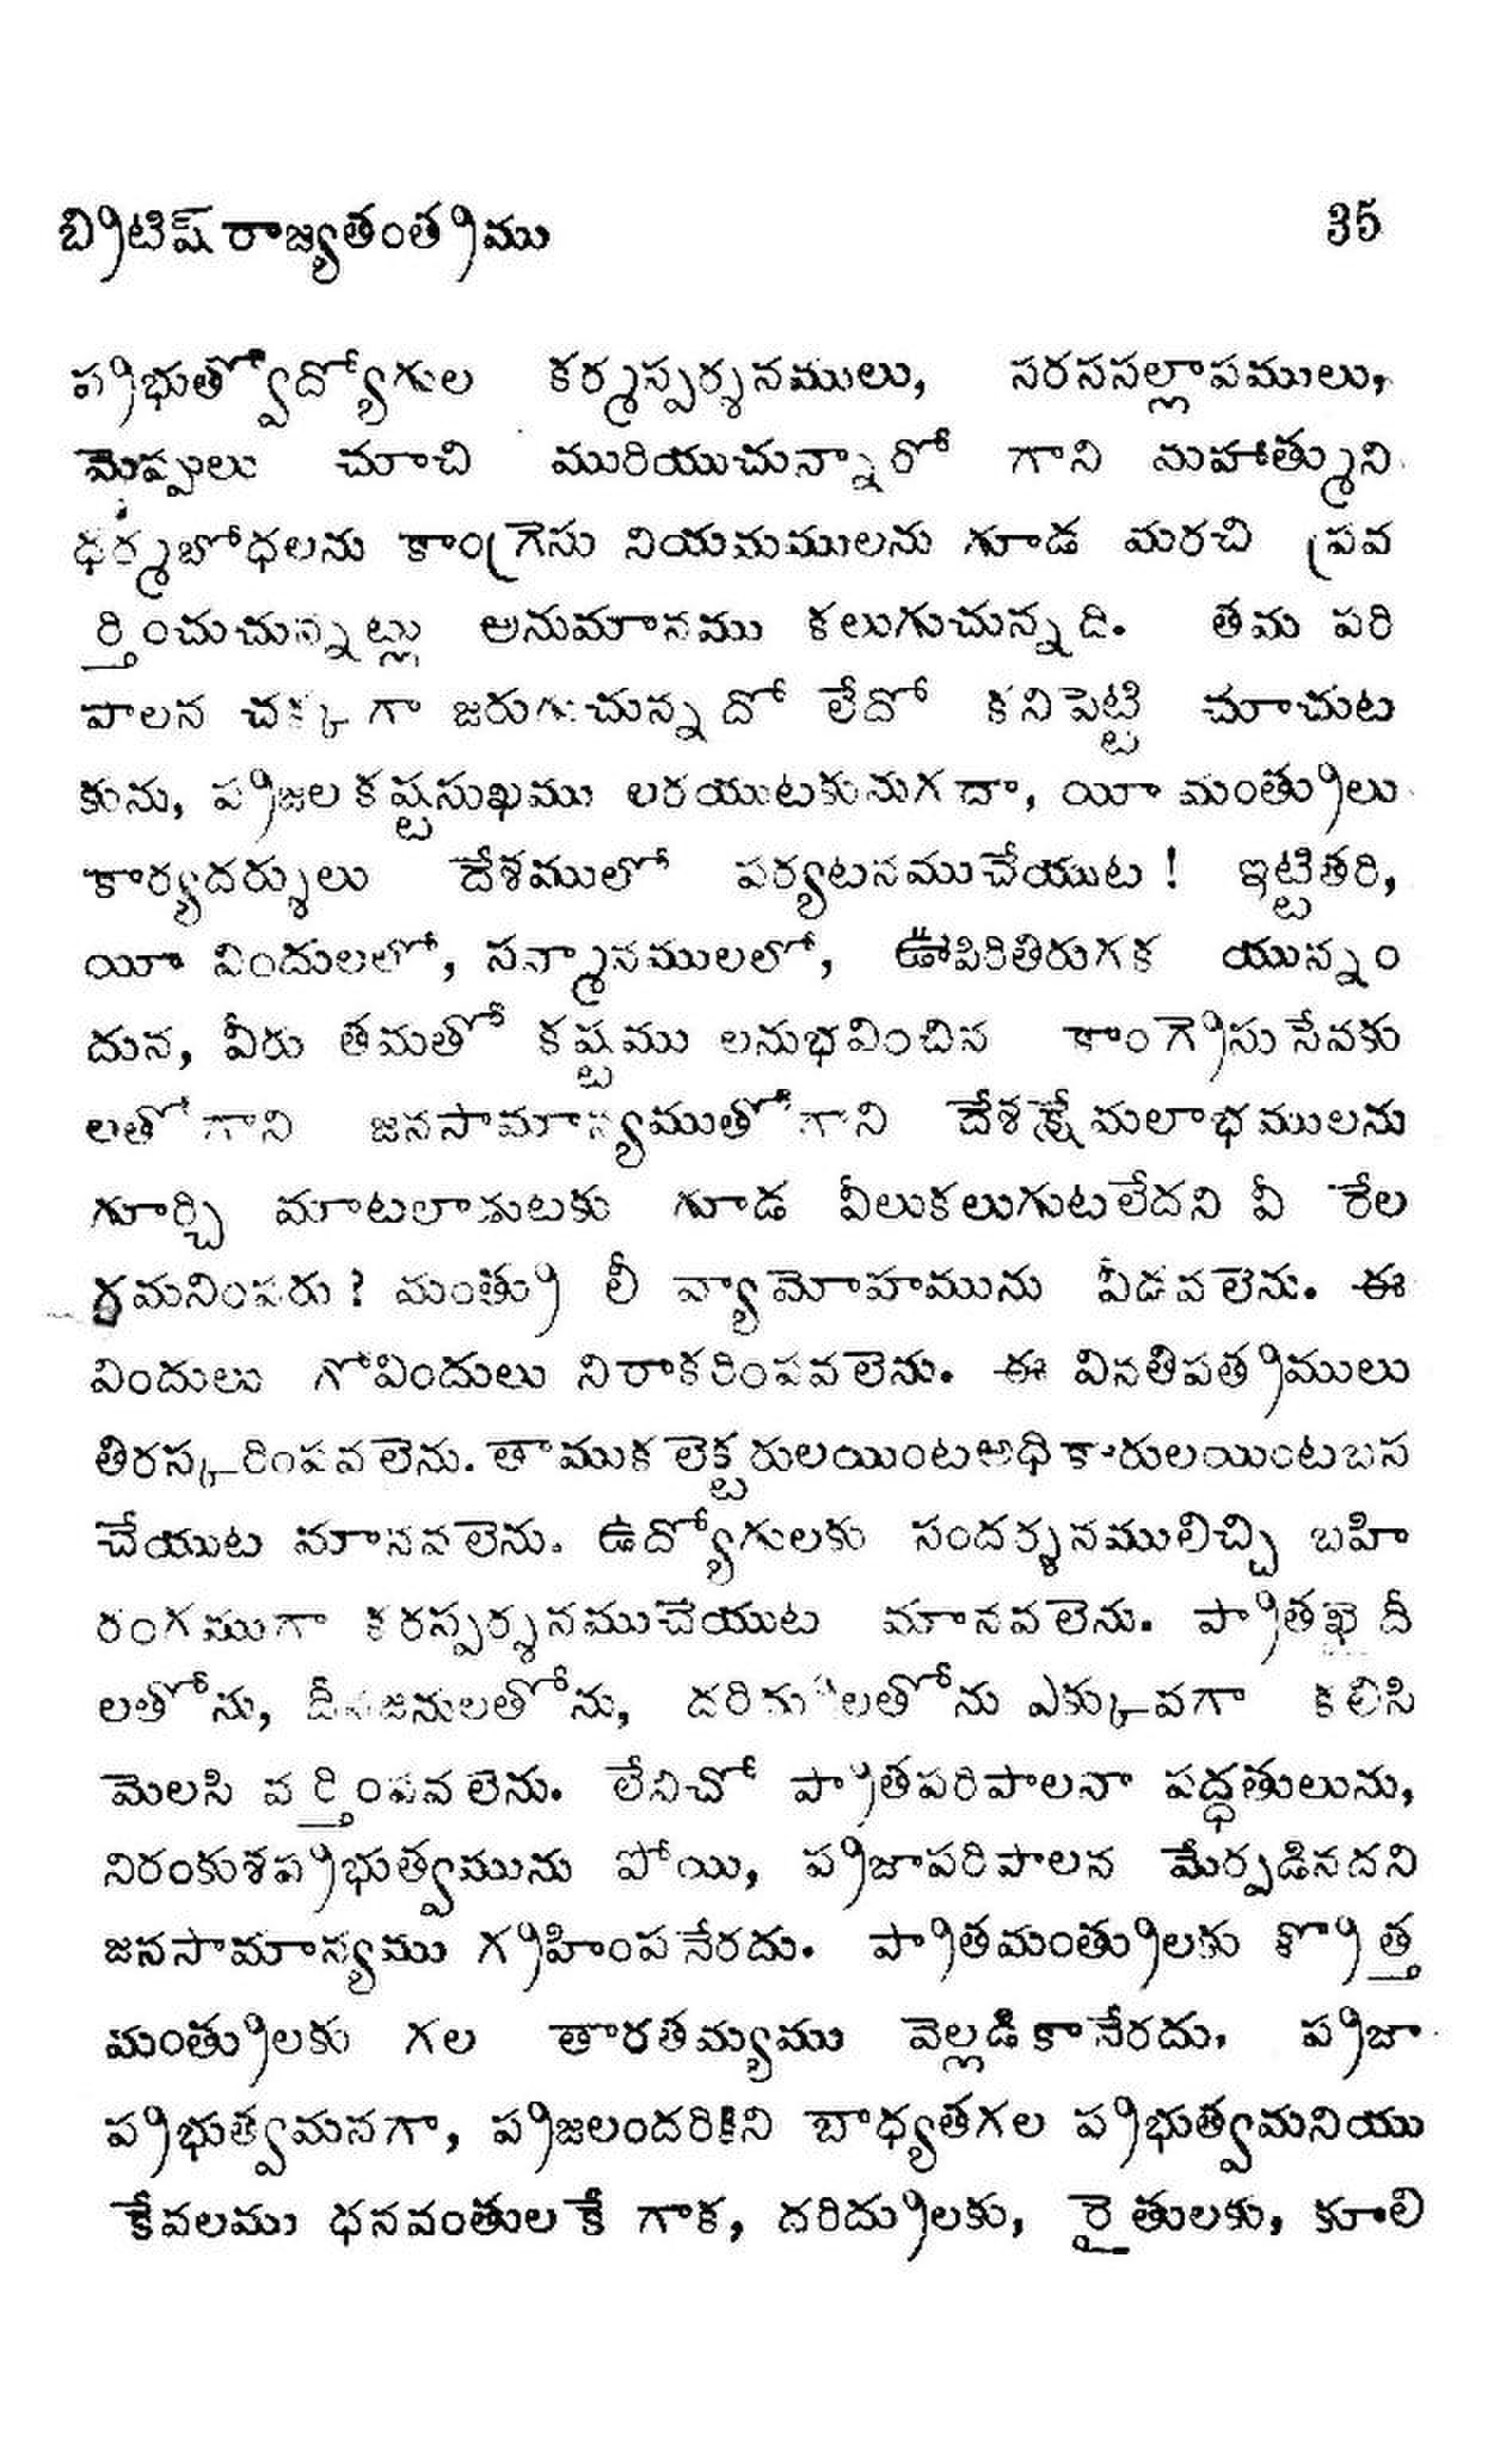ప్రభుత్వోద్యోగుల కర్మస్పర్శనములు, సరససల్లాపములు, మెప్పులు చూచి మురియుచున్నారో గాని మహాత్ముని ధర్మబోధలను కాంగ్రెసు నియమములను గూడ మరచి ప్రవర్తించుచున్నట్లు అనుమానము కలుగుచున్నది. తమ పరిపాలన చక్కగా జరుగుచున్నదో లేదో కనిపెట్టి చూచుటకును, ప్రజలకష్టసుఖము లరయుటకునుగదా, యీ మంత్రులు కార్యదర్శులు దేశములో పర్యటనముచేయుట ! ఇట్టితరి, యీ విందులలో, సన్మానములలో, ఊపిరితిరుగక యున్నందున, వీరు తమతో కష్టము లనుభవించిన కాంగ్రెసుసేవకులతోగాని జనసామాన్యముతోగాని దేశక్షేమ లాభములను గూర్చి మాటలాడుటకు గూడ వీలుకలుగుటలేదని వీ రేల గమనింపరు? మంత్రు లీ వ్యామోహమును వీడవలెను. ఈ విందులు గోవిందులు నిరాకరింపవలెను. ఈ వినతిపత్రములు తిరస్కరింపవలెను. తాముకలెక్టరుల యింటఅధికారులయింటబస చేయుట మానవలెను. ఉద్యోగులకు సందర్శనములిచ్చి బహిరంగముగా కరస్పర్శనము చేయుట మానవలెను. ప్రాతఖైదీలతోను, దీనజనులతోను, దరిద్రులతోను ఎక్కువగా కలిసిమెలసి వర్తింపవలెను. లేనిచో ప్రాతపరిపాలనా పద్ధతులును, నిరంకుశప్రభుత్వమును పోయి, ప్రజాపరిపాలన మేర్పడినదని జనసామాన్యము గ్రహింపనేరదు. ప్రాతమంత్రులకు క్రొత్త మంత్రులకు గల తారతమ్యము వెల్లడికానేరదు, ప్రజా ప్రభుత్వమనగా, ప్రజలందరికిని బాధ్యతగల ప్రభుత్వమనియు కేవలము ధనవంతులకే గాక, దరిద్రులకు, రైతులకు, కూలి